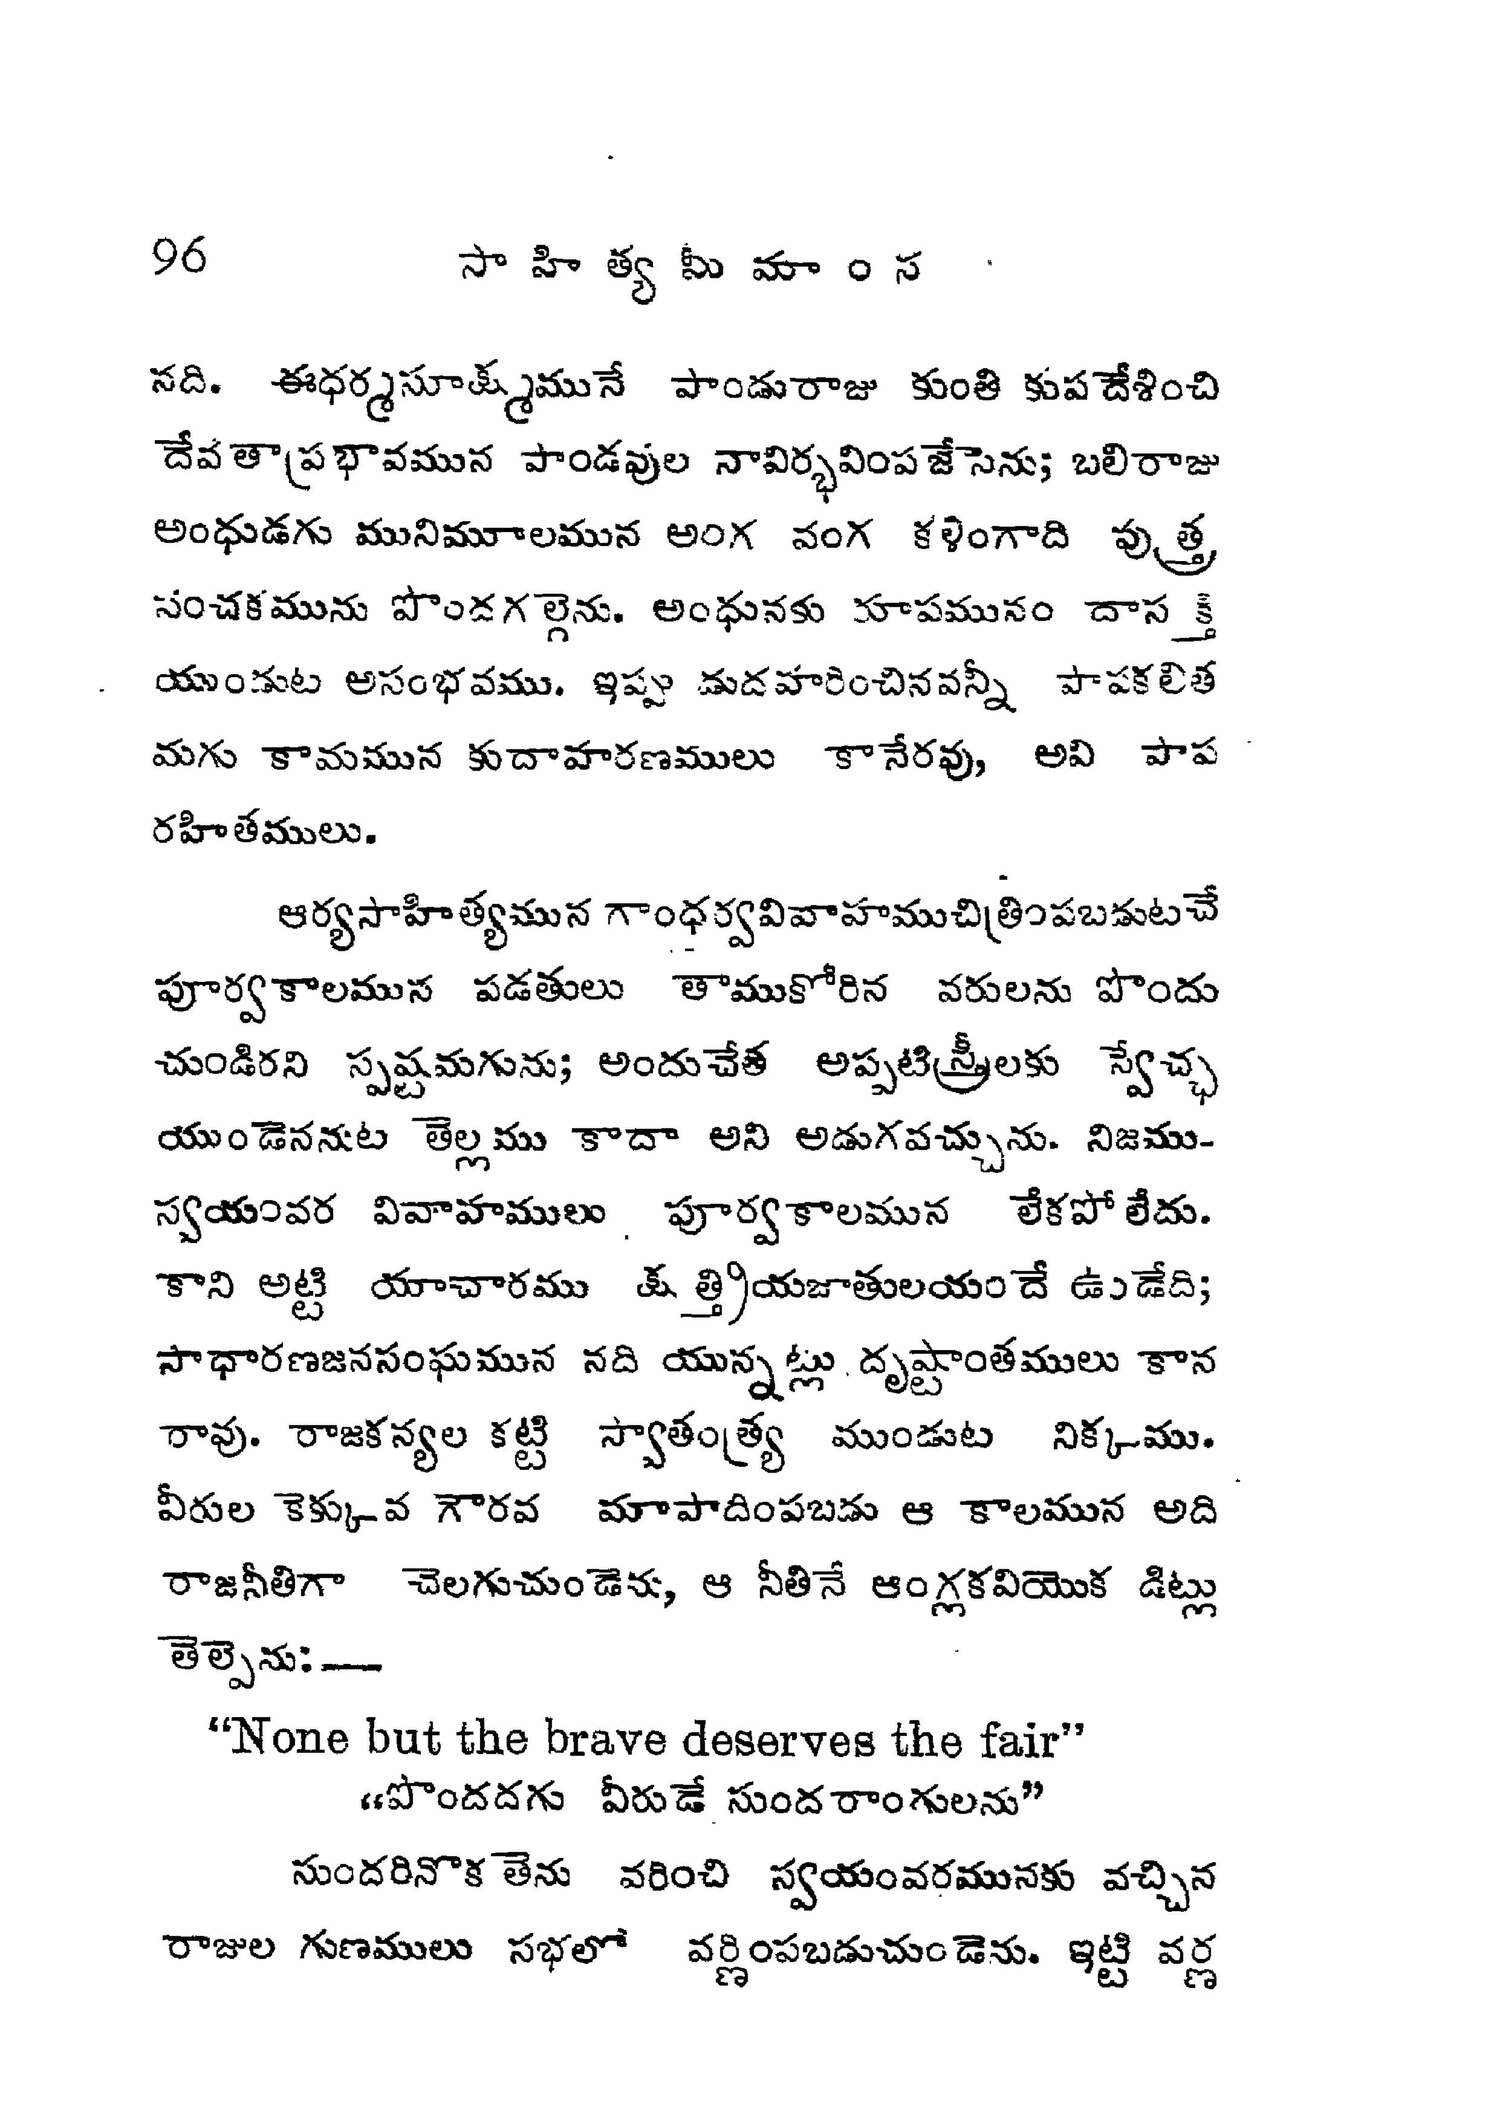నది. ఈధర్మసూక్ష్మమునే పాండురాజు కుంతి కుపదేశించి దేవతాప్రభావమున పాండవుల నావిర్భవింపజేసెను; బలిరాజు అంధుడగు మునిమూలమున అంగ వంగ కళింగాది పుత్త్ర సంచకమును పొందగల్గెను. అంధునకు రూపమునం దాసక్తి యుండుట అసంభవము. ఇప్పు డుదహరించినవన్నీ పాపకలిత మగు కామమున కుదాహరణములు కానేరవు. అవి పాప రహితములు.

ఆర్యసాహిత్యమున గాంధర్వవివాహముచిత్రింపబడుటచే పూర్వకాలమున పడతులు తాముకోరిన వరులను పొందుచుండిరని స్పష్టమగును; అందుచేత అప్పటిస్త్రీలకు స్వచ్ఛ యుండెననుట తెల్లము కాదా అని అడుగవచ్చును. నిజము - స్వయంవర వివాహములు పూర్వకాలమున లేకపోలేదు. కాని అట్టి యాచారము క్షత్త్రియజాతులయందే ఉండేది; సాధారణసంఘమున నది యున్నట్లు దృష్టాంతములు కానరావు. రాజకన్యల కట్టి స్వాతంత్య్ర ముండుట నిక్కము. వీరుల కెక్కువ గౌరవ మాపాదింపబడు ఆ కాలమున అది రాజనీతిగా చెలగుచుండెను, ఆ నీతినే ఆంగ్లకవియొక డిట్లు తెల్పెను : _

 "None but the brave deserves the fair"
 "పొందదగు వీరుడే సుందరాంగులను"

సుందరినొకతెను వరించి స్వయంవరమునకు వచ్చిన రాజుల గుణములు సభలో వర్ణింపబడుచుండును. ఇట్టి వర్ణ